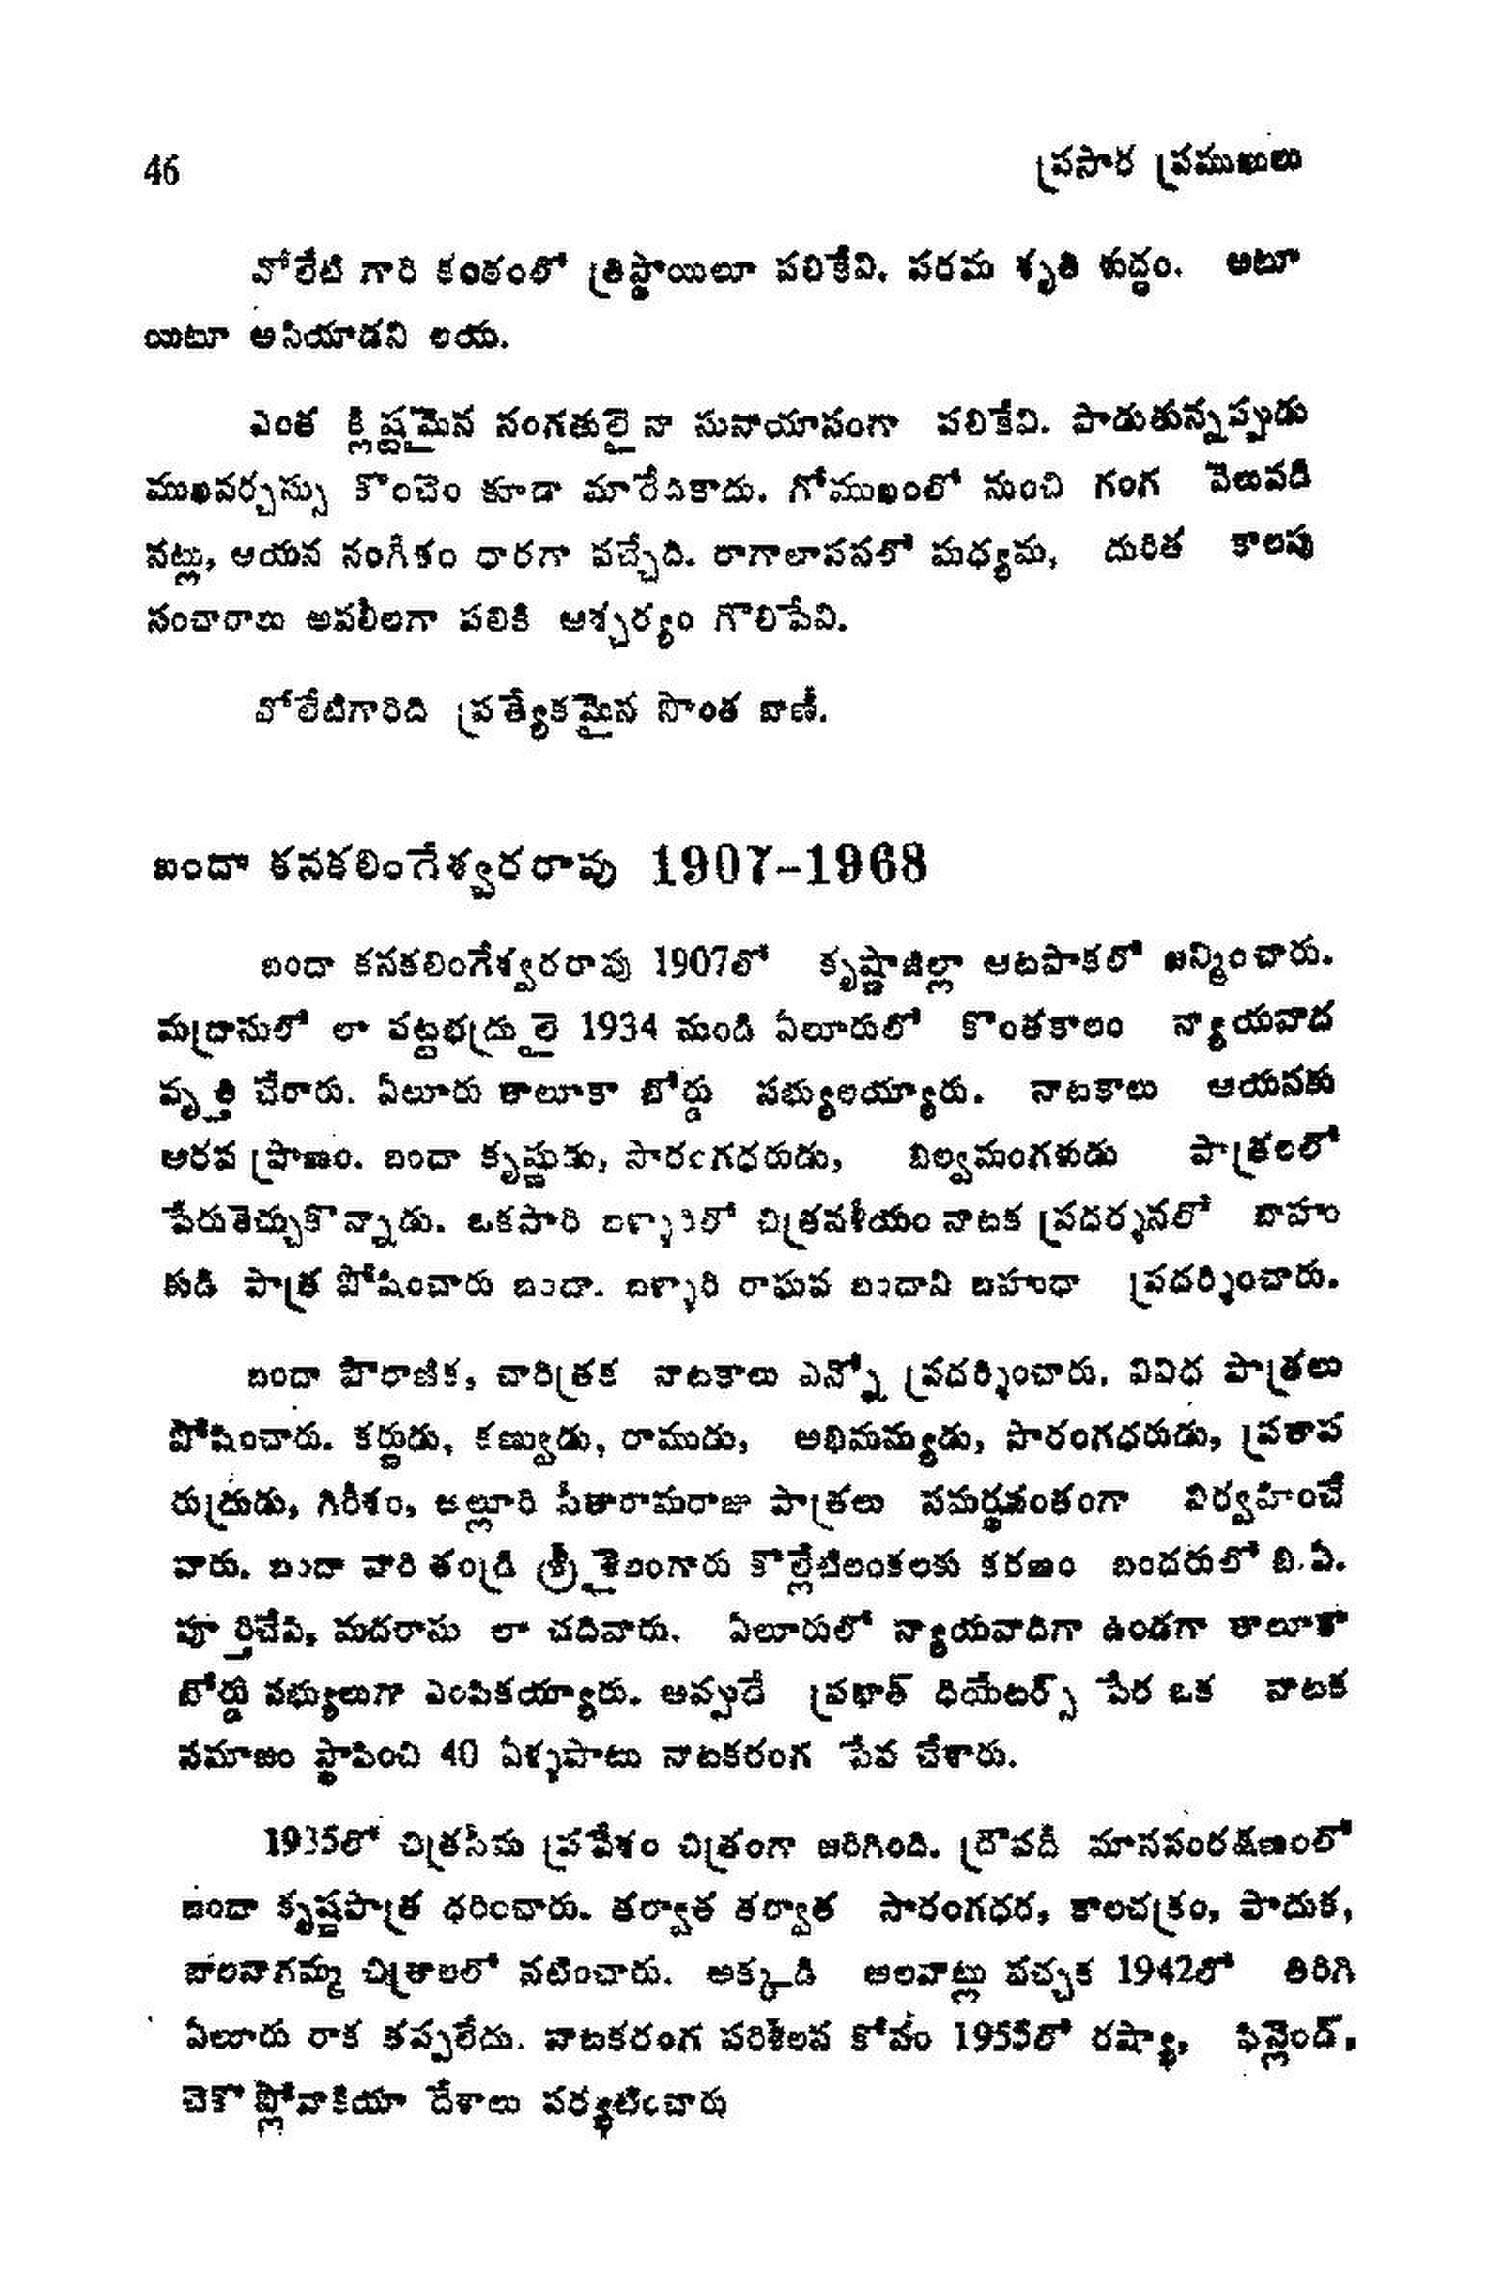వోలేటి గారి కంఠంలో త్రిస్థాయిలూ పలికేవి. పరమ శృతి శుద్దం. అటూ యిటూ అసియాడని లయ.

ఎంత క్లిష్టమైన సంగతులైనా సునాయాసంగా పలికేవి. పాడుతున్నప్పుడు ముఖవర్చస్సు కొంచెం కూడా మారేదికాదు. గోముఖంలో నుంచి గంగ వెలువడినట్లు, ఆయన సంగీతం ధారగా వచ్చేది రాగాలాపనలో మధ్యమ, దురిత కాలపు సంచారాలు అవలీలగా పలికి ఆశ్చర్యం గొలిపేవి.

వోలేటిగారిది ప్రత్యేకమైన సొంత బాణీ.

బందా కనకలింగేశ్వరరావు 1907లో కృష్ణాజిల్లా ఆటపాకలో జన్మించారు. మద్రాసులో లా పట్టభద్రులై 1934 నుండి ఏలూరులో కొంతకాలం న్యాయవాద వృత్తి చేశారు. ఏలూరు తాలూకా బోర్డు సభ్యులయ్యారు. నాటకాలు ఆయనకు ఆరవప్రాణం. బందా కృష్ణుడు, సారంగధరుడు, బిల్వమంగళుడు పాత్రలలో పేరుతెచ్చుకొన్నాడు. ఒకసారి బళ్ళారిలో చిత్రవశీయం నాటక ప్రదర్శనలో బాహుకుడి పాత్ర పోషించారు బందా. బళ్ళారి రాఘవ బందాని బహుధా ప్రదర్శించారు.

బందా పౌరాణిక, చారిత్రక నాటకాలు ఎన్నో ప్రదర్శించారు. వివిధ పాత్రలు పోషించారు. కర్ణుడు, కణ్వుడు, రాముడు, అభిమన్యుడు, సారంగధరుడు, ప్రతాపరుద్రుడు, గిరీశం, అల్లూరి సీతారామరాజు పాత్రలు సమర్థవంతంగా నిర్వహించే వారు. బందా వారి తండ్రి శ్రీశైలంగారు కొల్లేటిలంకలకు కరణం బందరులో బి.ఏ. పూర్తిచేసి, మదరాసు లా చదివారు. ఏలూరులో న్యాయవాదిగా ఉండగా తాలూకా బోర్డు సభ్యులుగా ఎంపికయ్యారు. అప్పుడే ప్రభాత్ ధియేటర్స్ పేర ఒక నాటక సమాజం స్థాపించి 40 ఏళ్ళపాటు నాటకరంగ సేవ చేశారు.

1935లో చిత్రసీమ ప్రవేశం చిత్రంగా జరిగింది. ద్రౌపదీ మానసంరక్షణంలో బందా కృష్ణపాత్ర ధరించారు. తర్వాత తర్వాత సారంగధర, కాలచక్రం, పాదుక, బాలనాగమ్మ చిత్రాలలో నటించారు. అక్కడి అలవాట్లు నచ్చక 1942లో తిరిగి ఏలూరు రాక తప్పలేదు. నాటకరంగ పరిశీలన కోసం 1955లో రష్యా, పిన్లెండ్, చెకొస్లోవాకియా దేశాలు పర్యటించారు.